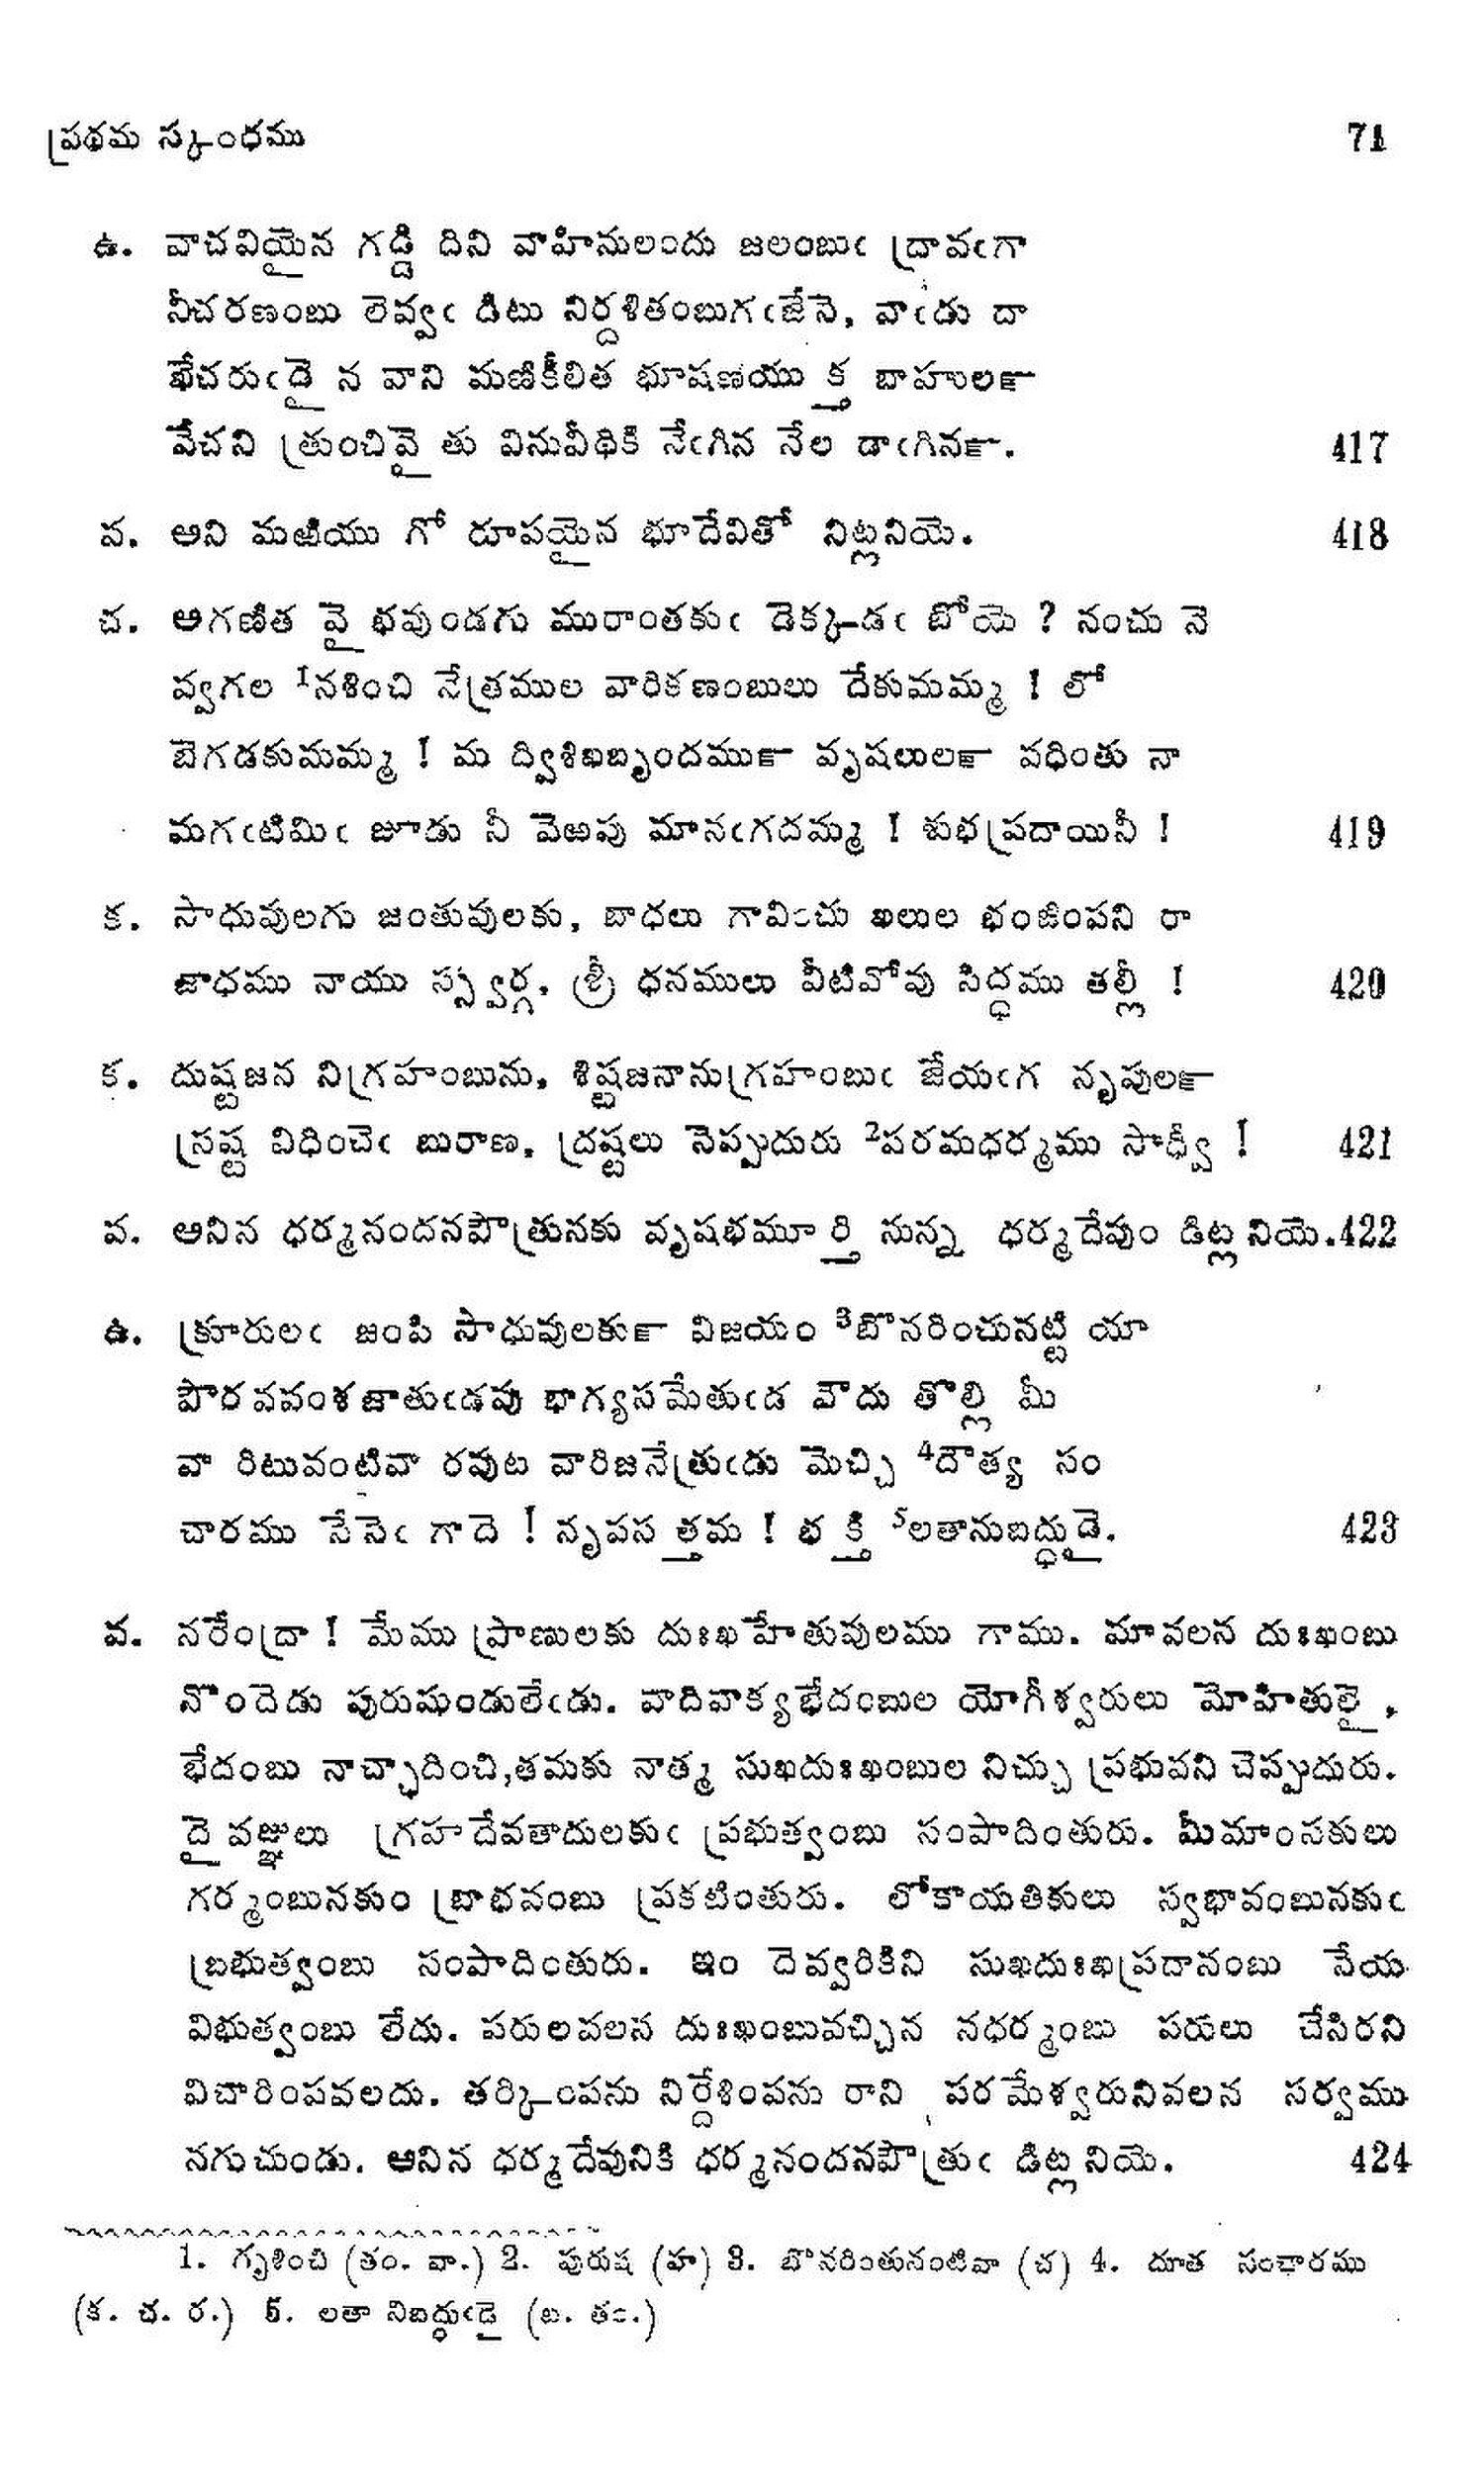71

ఉ. వాచవియైన గడ్డి దిని వాహినులందు జలంబుఁ ద్రావఁగా

నీచరణంబు లెవ్వఁ నిర్దశితంబుగఁజేసె, వాఁడు దా

ఖేచరుఁడై న వాని మణి కిఇలిత భూషణయుక్త బాహులన్

వేచని త్రుంచివైతు వినువీథికి నేఁగిన నేల డాఁగినన్ . (417)

వ. అని మఱియు గోరూపయైన బూదేవితో నిట్లనియె . (418)

చ. అగణిత వైభవుండగు మురాంతకుఁ డెక్కడఁ బోయె ? నంచు నె

వ్వగల నశించి నేత్రముల వారికణంబులు దేకుమమ్మ ! లో

బెగడకుమమ్మ ! మద్విశిఖబృందమునన్ వృషలున్ వధింతునా

మగఁటిమిఁ జూడు నీ వెఱపు మానఁగదమ్మ ! శుభప్రదాయినీ ! (419)

క. సాధువులగ జంతువులకు, బాధలు గావించు ఖలుల భంజింపని రా

జాధము నాయు స్స్వర్గ, శ్రీ ధనములు వీటివోవు సిద్ధము తల్లీ ! (420)

క. దుష్టజన నిగ్రహంబును, శిష్టజనానుగ్రహంబుఁ జేయఁగ నృపులన్

స్రష్ట విదించెఁ బురాణ, ద్రష్టలు సెప్పుదురు వరమధర్మము సాధ్వీ ! (421)

వ. అనిన ధర్మనందనపౌత్రునకు వృషధమూర్తి నున్న ధర్మదేవుం డిట్లనియె .( 422)

ఉ. క్రూరులఁ జంపి సాధువులకున్ విజయం బొనరించునట్టి యా

పౌరదవంశ జాతుఁడవు భాగ్యసమేతుఁడ వౌదు తొల్లి మీ

వా రిటువంటివా రవుట వారిజనేత్రుఁడు మెచ్చి దౌత్య సం

చారము సేసెఁ గాదె ! నృపసత్తమ ! భక్తి లతానుబద్ధుడై . (423)

వ. నరేంద్రా ! మేము ప్రాణులకు దుఃఖహేతువులము గాము. మావలన దుఃఖంబు నొందెడు పురుశుండులేఁడు. వాదివాక్యభేదంబుల యోగీశ్వరులు మోహితులై, భేదంబు నాచ్చాదించి, తమకు నాత్మ సుఖదుఃఖంబుల నిచ్చు ప్రభువని చెప్పుదురు. దైవజ్ఞులు గ్రహదేవతాదులకుఁ ప్రభుత్వంబు సంపాదింతురు. మీమాంసకులు గర్మంబునకుం బ్రాభవంబు ప్రకటింతురు. లోకాయతికులు స్వభావంబునకుఁ భభుత్వంబు సంపాదింతురు. ఇందెవ్వరికి సుఖదుఃఖప్రదానంబు సేయ విభుత్వంబు లేదు. పరులవలన దుఃఖంబువచ్చిన నధర్మంబు పరులు చేసిరని విచారింపవలదు. తర్కింపను నిర్దేశింపను రాని పరమేశ్వరునివలన సర్వము నగుచుండు. అనిన ధర్మదేవునికి ధర్మనందనపౌత్రుఁ డిట్లనియె. (424)